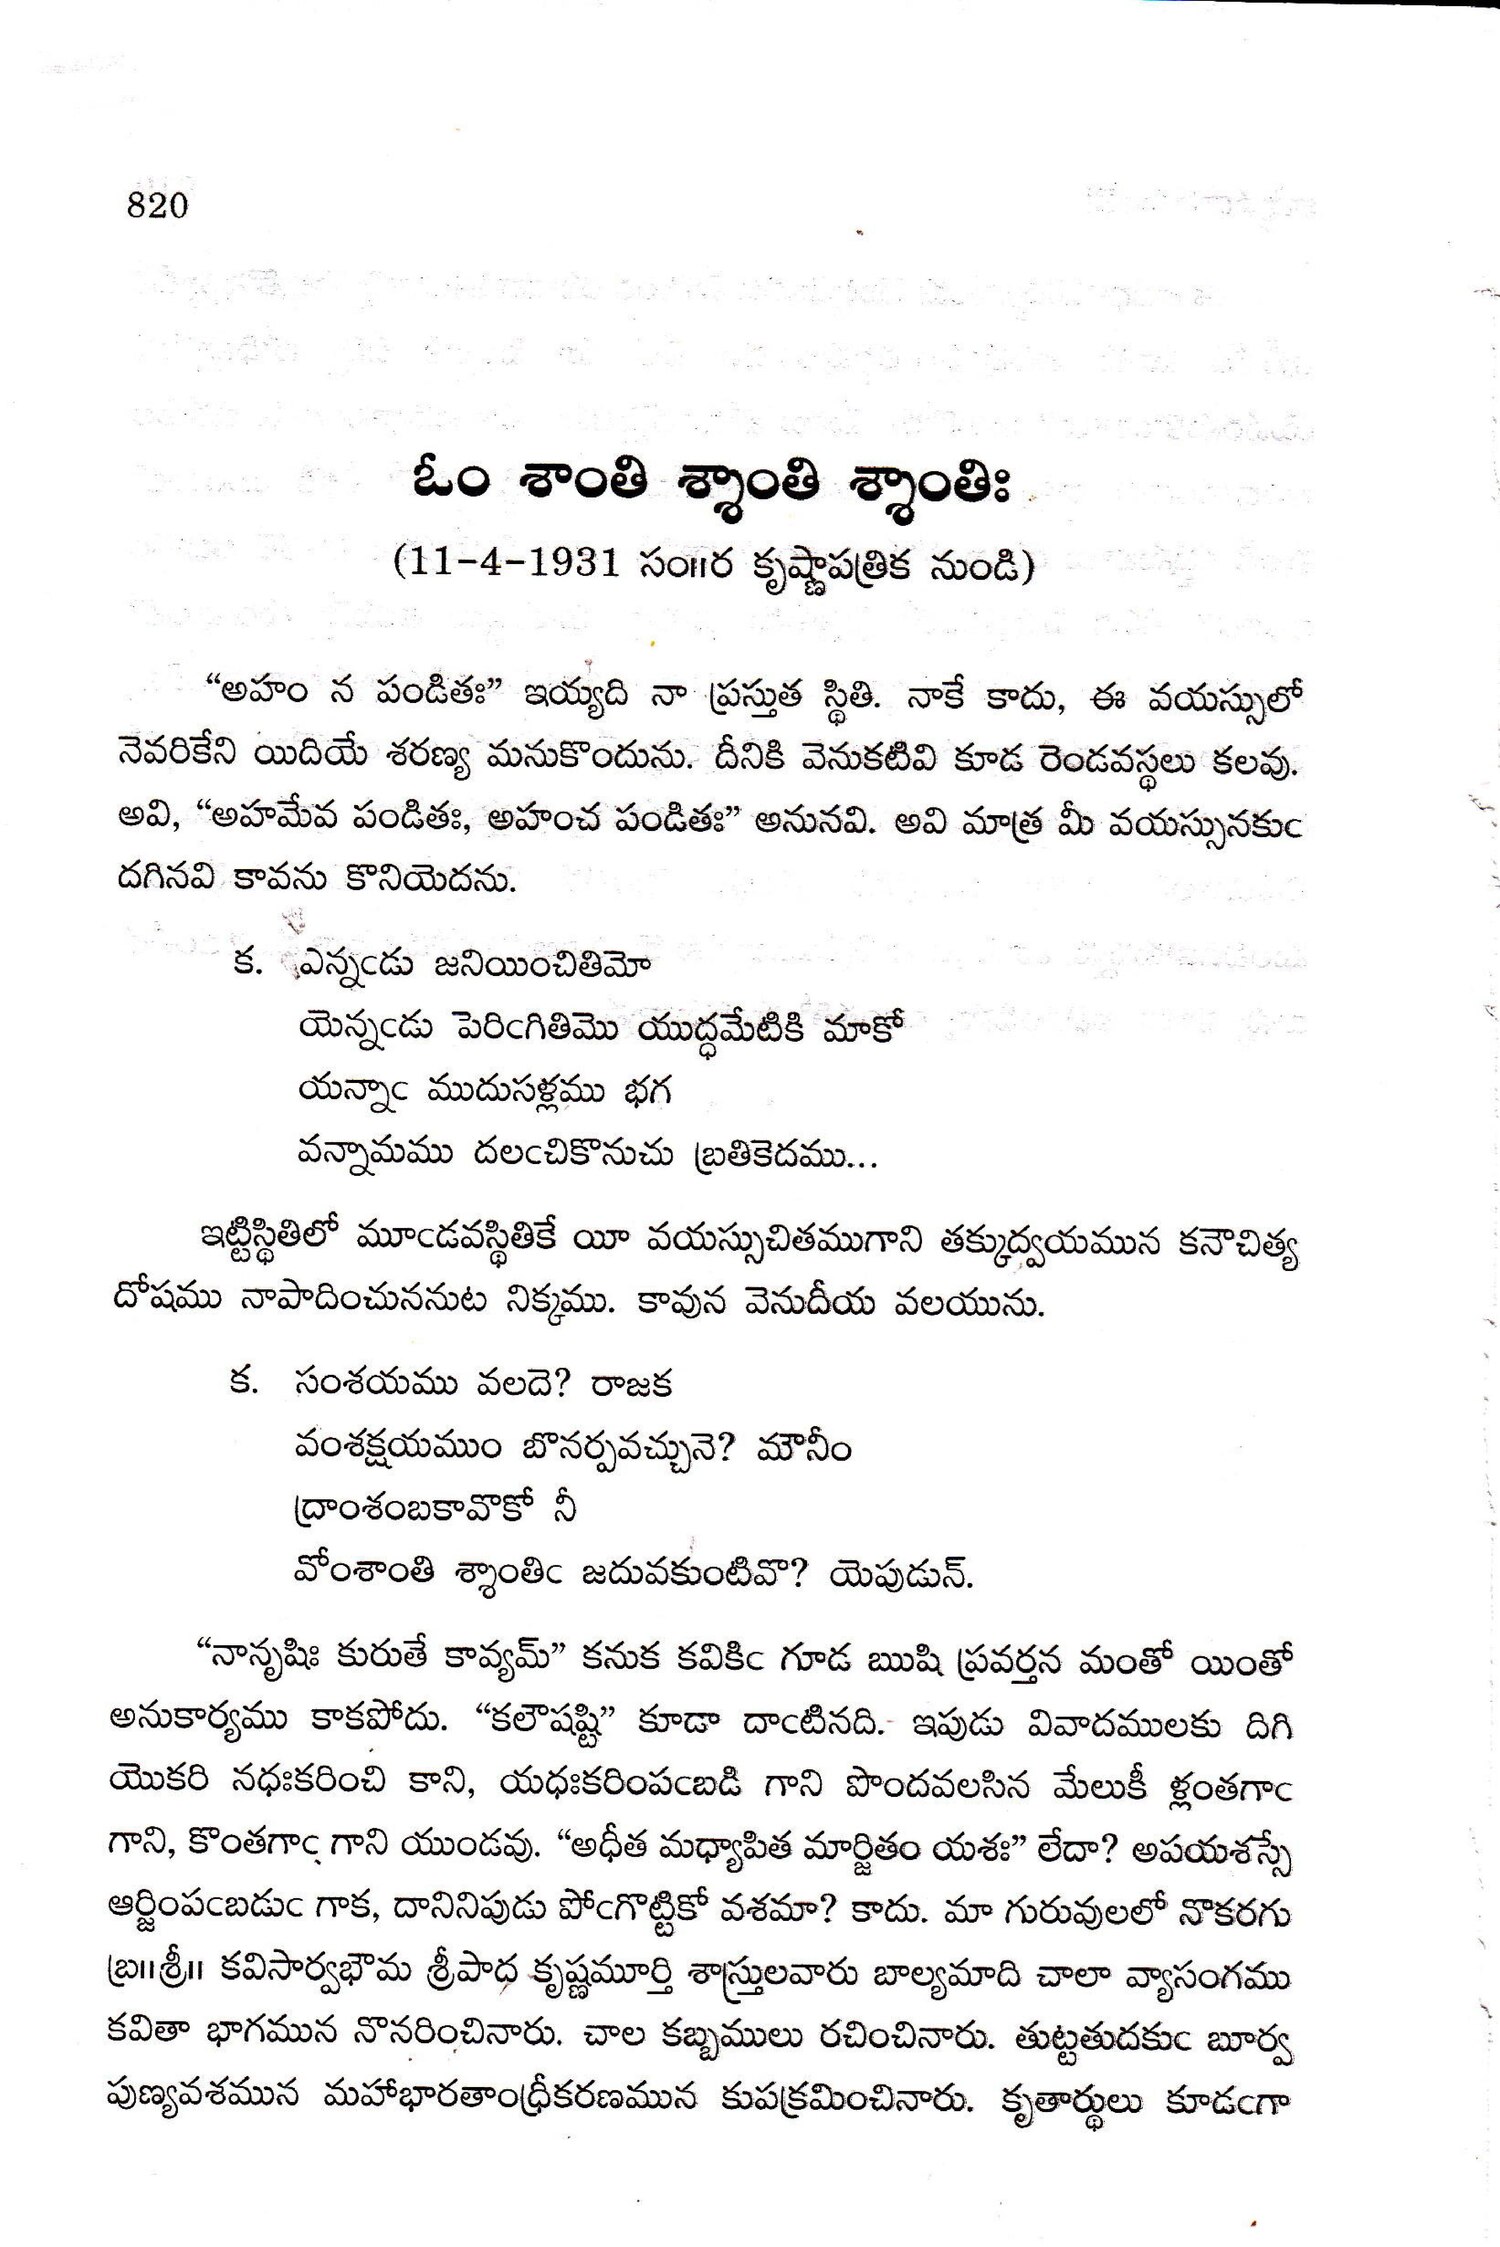ఓం శాంతి శ్శాంతి శ్శాంతిః 
(11-4-1931 సం||ర కృష్ణాపత్రిక నుండి)

"అహం న పండితః" ఇయ్యది నా ప్రస్తుత స్థితి. నాకే కాదు, ఈ వయస్సులో నెవరికేని యిదియే శరణ్య మనుకొందును. దీనికి వెనుకటివి కూడ రెండవస్థలు కలవు. అవి, “అహమేవ పండితః, అహంచ పండితః" అనునవి. అవి మాత్ర మీ వయస్సునకుఁ దగినవి కావను కొనియెదను.

క. ఎన్నఁడు జనియించితిమో
 యెన్నఁడు పెరిఁగితిమొ యుద్ధమేటికి మాకో 
 యన్నాఁ ముదుసళ్లము భగ 
 వన్నామము దలఁచికొనుచు బ్రతికెదము.
ఇట్టిస్థితిలో మూఁడవస్థితికే యీ వయస్సుచితముగాని తక్కుద్వయమున కనౌచిత్య దోషము నాపాదించుననుట నిక్కము. కావున వెనుదీయ వలయును.

క. సంశయము వలదె? రాజక
 వంశక్షయముం బొనర్పవచ్చునె? మౌనీం 
 ద్రాంశంబకావొకో నీ 
 వోంశాంతి శ్శాంతిఁ జదువకుంటివొ? యెపుడున్.
"నానృషిః కురుతే కావ్యమ్" కనుక కవికిఁ గూడ ఋషి ప్రవర్తన మంతో యింతో అనుకార్యము కాకపోదు. “కలౌషష్టి" కూడా దాఁటినది. ఇపుడు వివాదములకు దిగి యొకరి నధఃకరించి కాని, యధఃకరింపఁబడి గాని పొందవలసిన మేలుకీ ళ్లంతగాఁ గాని, కొంతగాఁ గాని యుండవు. "అధీత మధ్యాపిత మార్జితం యశః" లేదా? అపయశస్సే ఆర్జింపఁబడుఁ గాక, దానినిపుడు పోఁగొట్టికో వశమా? కాదు. మా గురువులలో నొకరగు బ్ర||శ్రీ|| కవిసార్వభౌమ శ్రీపాద కృష్ణమూర్తి శాస్త్రులవారు బాల్యమాది చాలా వ్యాసంగము కవితా భాగమున నొనరించినారు. చాల కబ్బములు రచించినారు. తుట్టతుదకుఁ బూర్వ పుణ్యవశమున మహాభారతాంద్రీకరణమున కుపక్రమించినారు. కృతార్థులు కూడఁగా